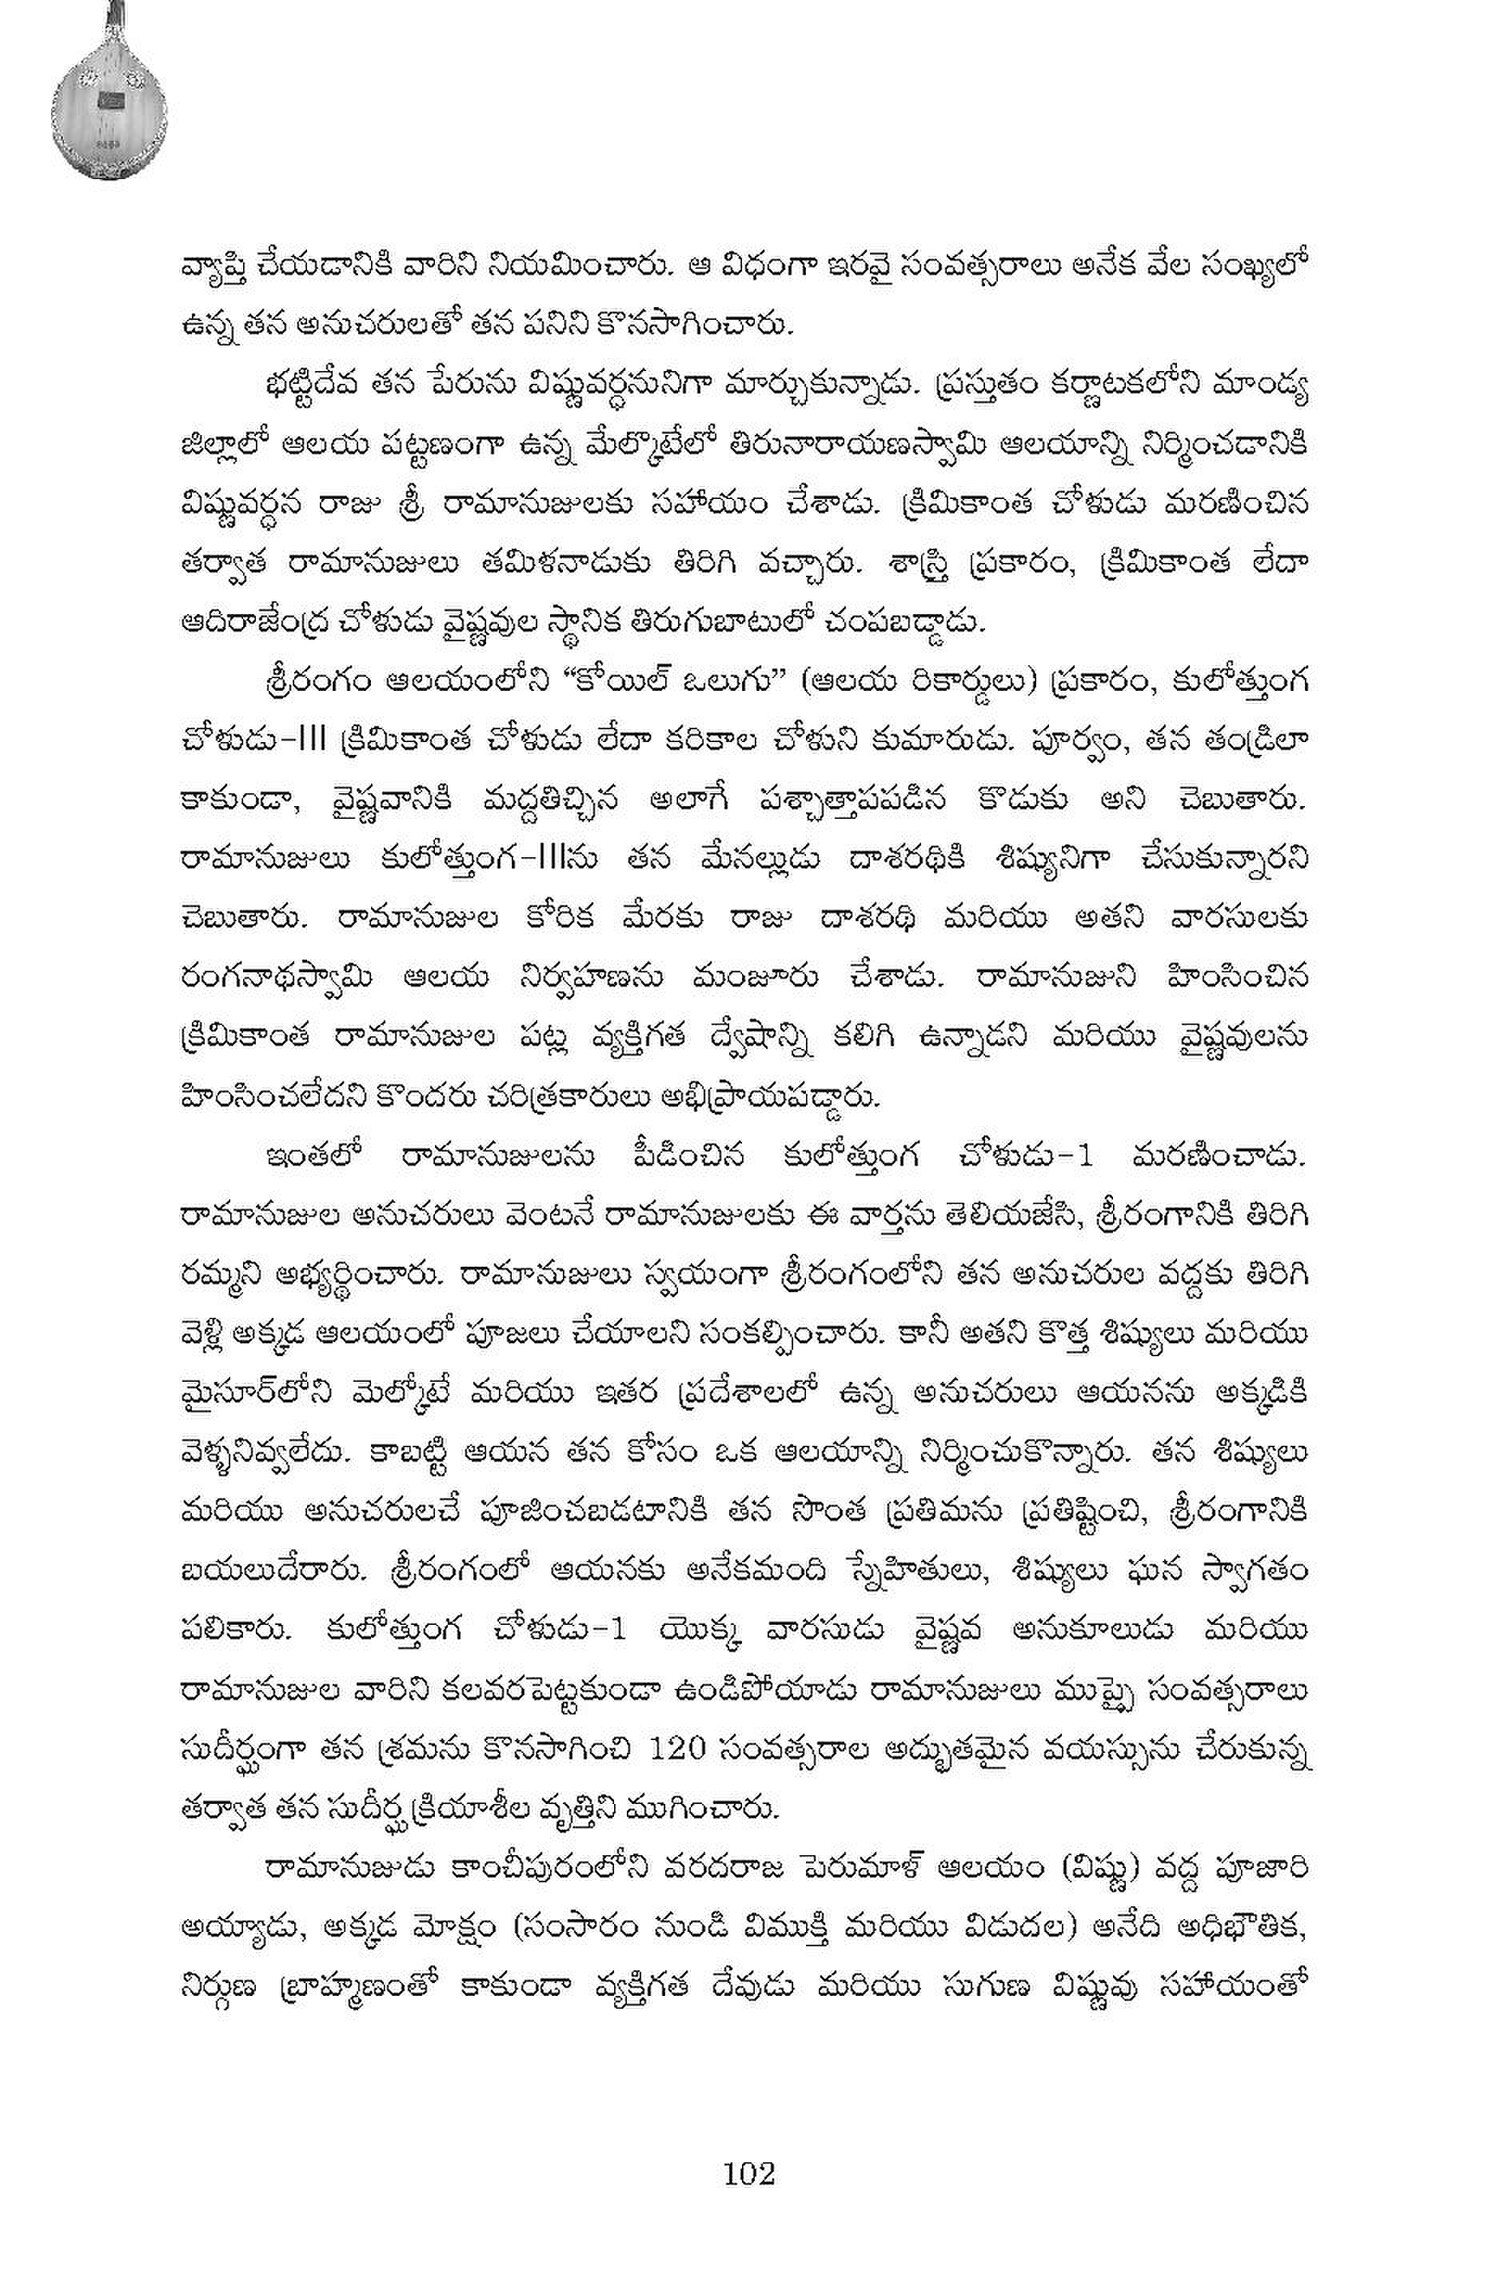వ్యాప్తి చేయడానికి వారిని నియమించారు. ఆ విధంగా ఇరవై సంవత్సరాలు అనేక వేల సంఖ్యలో ఉన్న తన అనుచరులతో తన పనిని కొనసాగించారు.

భట్టిదేవ తన పేరును విష్ణువర్ధనునిగా మార్చుకున్నాడు. ప్రస్తుతం కర్ణాటకలోని మాండ్య జిల్లాలో ఆలయ పట్టణంగా ఉన్న మేల్కొటేలో తిరునారాయణస్వామి ఆలయాన్ని నిర్మించడానికి విష్ణువర్ధన రాజు శ్రీ రామానుజులకు సహాయం చేశాడు. క్రిమికాంత చోళుడు మరణించిన తర్వాత రామానుజులు తమిళనాడుకు తిరిగి వచ్చారు. శాస్త్రి ప్రకారం, క్రిమికాంత లేదా
ఆదిరాజేంద్ర చోళుడు వైష్ణవుల స్థానిక తిరుగుబాటులో చంపబడ్డాడు.

శ్రీరంగం ఆలయంలోని "కోయిల్ ఒలుగు” (ఆలయ రికార్డులు) ప్రకారం, కులోత్తుంగ చోళుడు-III క్రిమికాంత చోళుడు లేదా కరికాల చోళుని కుమారుడు. పూర్వం, తన తండ్రిలా కాకుండా, వైష్ణవానికి మద్దతిచ్చిన అలాగే పశ్చాత్తాపపడిన కొడుకు అని చెబుతారు. రామానుజులు కులోత్తుంగ-IIIను తన మేనల్లుడు దాశరథికి శిష్యునిగా చేసుకున్నారని చెబుతారు. రామానుజుల కోరిక మేరకు రాజు దాశరథి మరియు అతని వారసులకు రంగనాథస్వామి ఆలయ నిర్వహణను మంజూరు చేశాడు. రామానుజుని హింసించిన క్రిమికాంత రామానుజుల పట్ల వ్యక్తిగత ద్వేషాన్ని కలిగి ఉన్నాడని మరియు వైష్ణవులను
హింసించలేదని కొందరు చరిత్రకారులు అభిప్రాయపడ్డారు.

ఇంతలో రామానుజులను పీడించిన కులోత్తుంగ చోళుడు-1 మరణించాడు. రామానుజుల అనుచరులు వెంటనే రామానుజులకు ఈ వార్తను తెలియజేసి, శ్రీరంగానికి తిరిగి రమ్మని అభ్యర్థించారు. రామానుజులు స్వయంగా శ్రీరంగంలోని తన అనుచరుల వద్దకు తిరిగి వెళ్లి అక్కడ ఆలయంలో పూజలు చేయాలని సంకల్పించారు. కానీ అతని కొత్త శిష్యులు మరియు మైసూర్లోని మెల్కోటే మరియు ఇతర ప్రదేశాలలో ఉన్న అనుచరులు ఆయనను అక్కడికి వెళ్ళనివ్వలేదు. కాబట్టి ఆయన తన కోసం ఒక ఆలయాన్ని నిర్మించుకొన్నారు. తన శిష్యులు మరియు అనుచరులచే పూజించబడటానికి తన సొంత ప్రతిమను ప్రతిష్టించి, శ్రీరంగానికి బయలుదేరారు. శ్రీరంగంలో ఆయనకు అనేకమంది స్నేహితులు, శిష్యులు ఘన స్వాగతం పలికారు. కులోత్తుంగ చోళుడు-1 యొక్క వారసుడు వైష్ణవ అనుకూలుడు మరియు రామానుజుల వారిని కలవరపెట్టకుండా ఉండిపోయాడు రామానుజులు ముప్పై సంవత్సరాలు సుదీర్ఘంగా తన శ్రమను కొనసాగించి 120 సంవత్సరాల అద్భుతమైన వయస్సును చేరుకున్న తర్వాత తన సుదీర్ఘ క్రియాశీల వృత్తిని ముగించారు.

రామానుజుడు కాంచీపురంలోని వరదరాజ పెరుమాళ్ ఆలయం (విష్ణు) వద్ద పూజారి అయ్యాడు, అక్కడ మోక్షం (సంసారం నుండి విముక్తి మరియు విడుదల) అనేది అధిభౌతిక, నిర్గుణ బ్రాహ్మణంతో కాకుండా వ్యక్తిగత దేవుడు మరియు సుగుణ విష్ణువు సహాయంతో